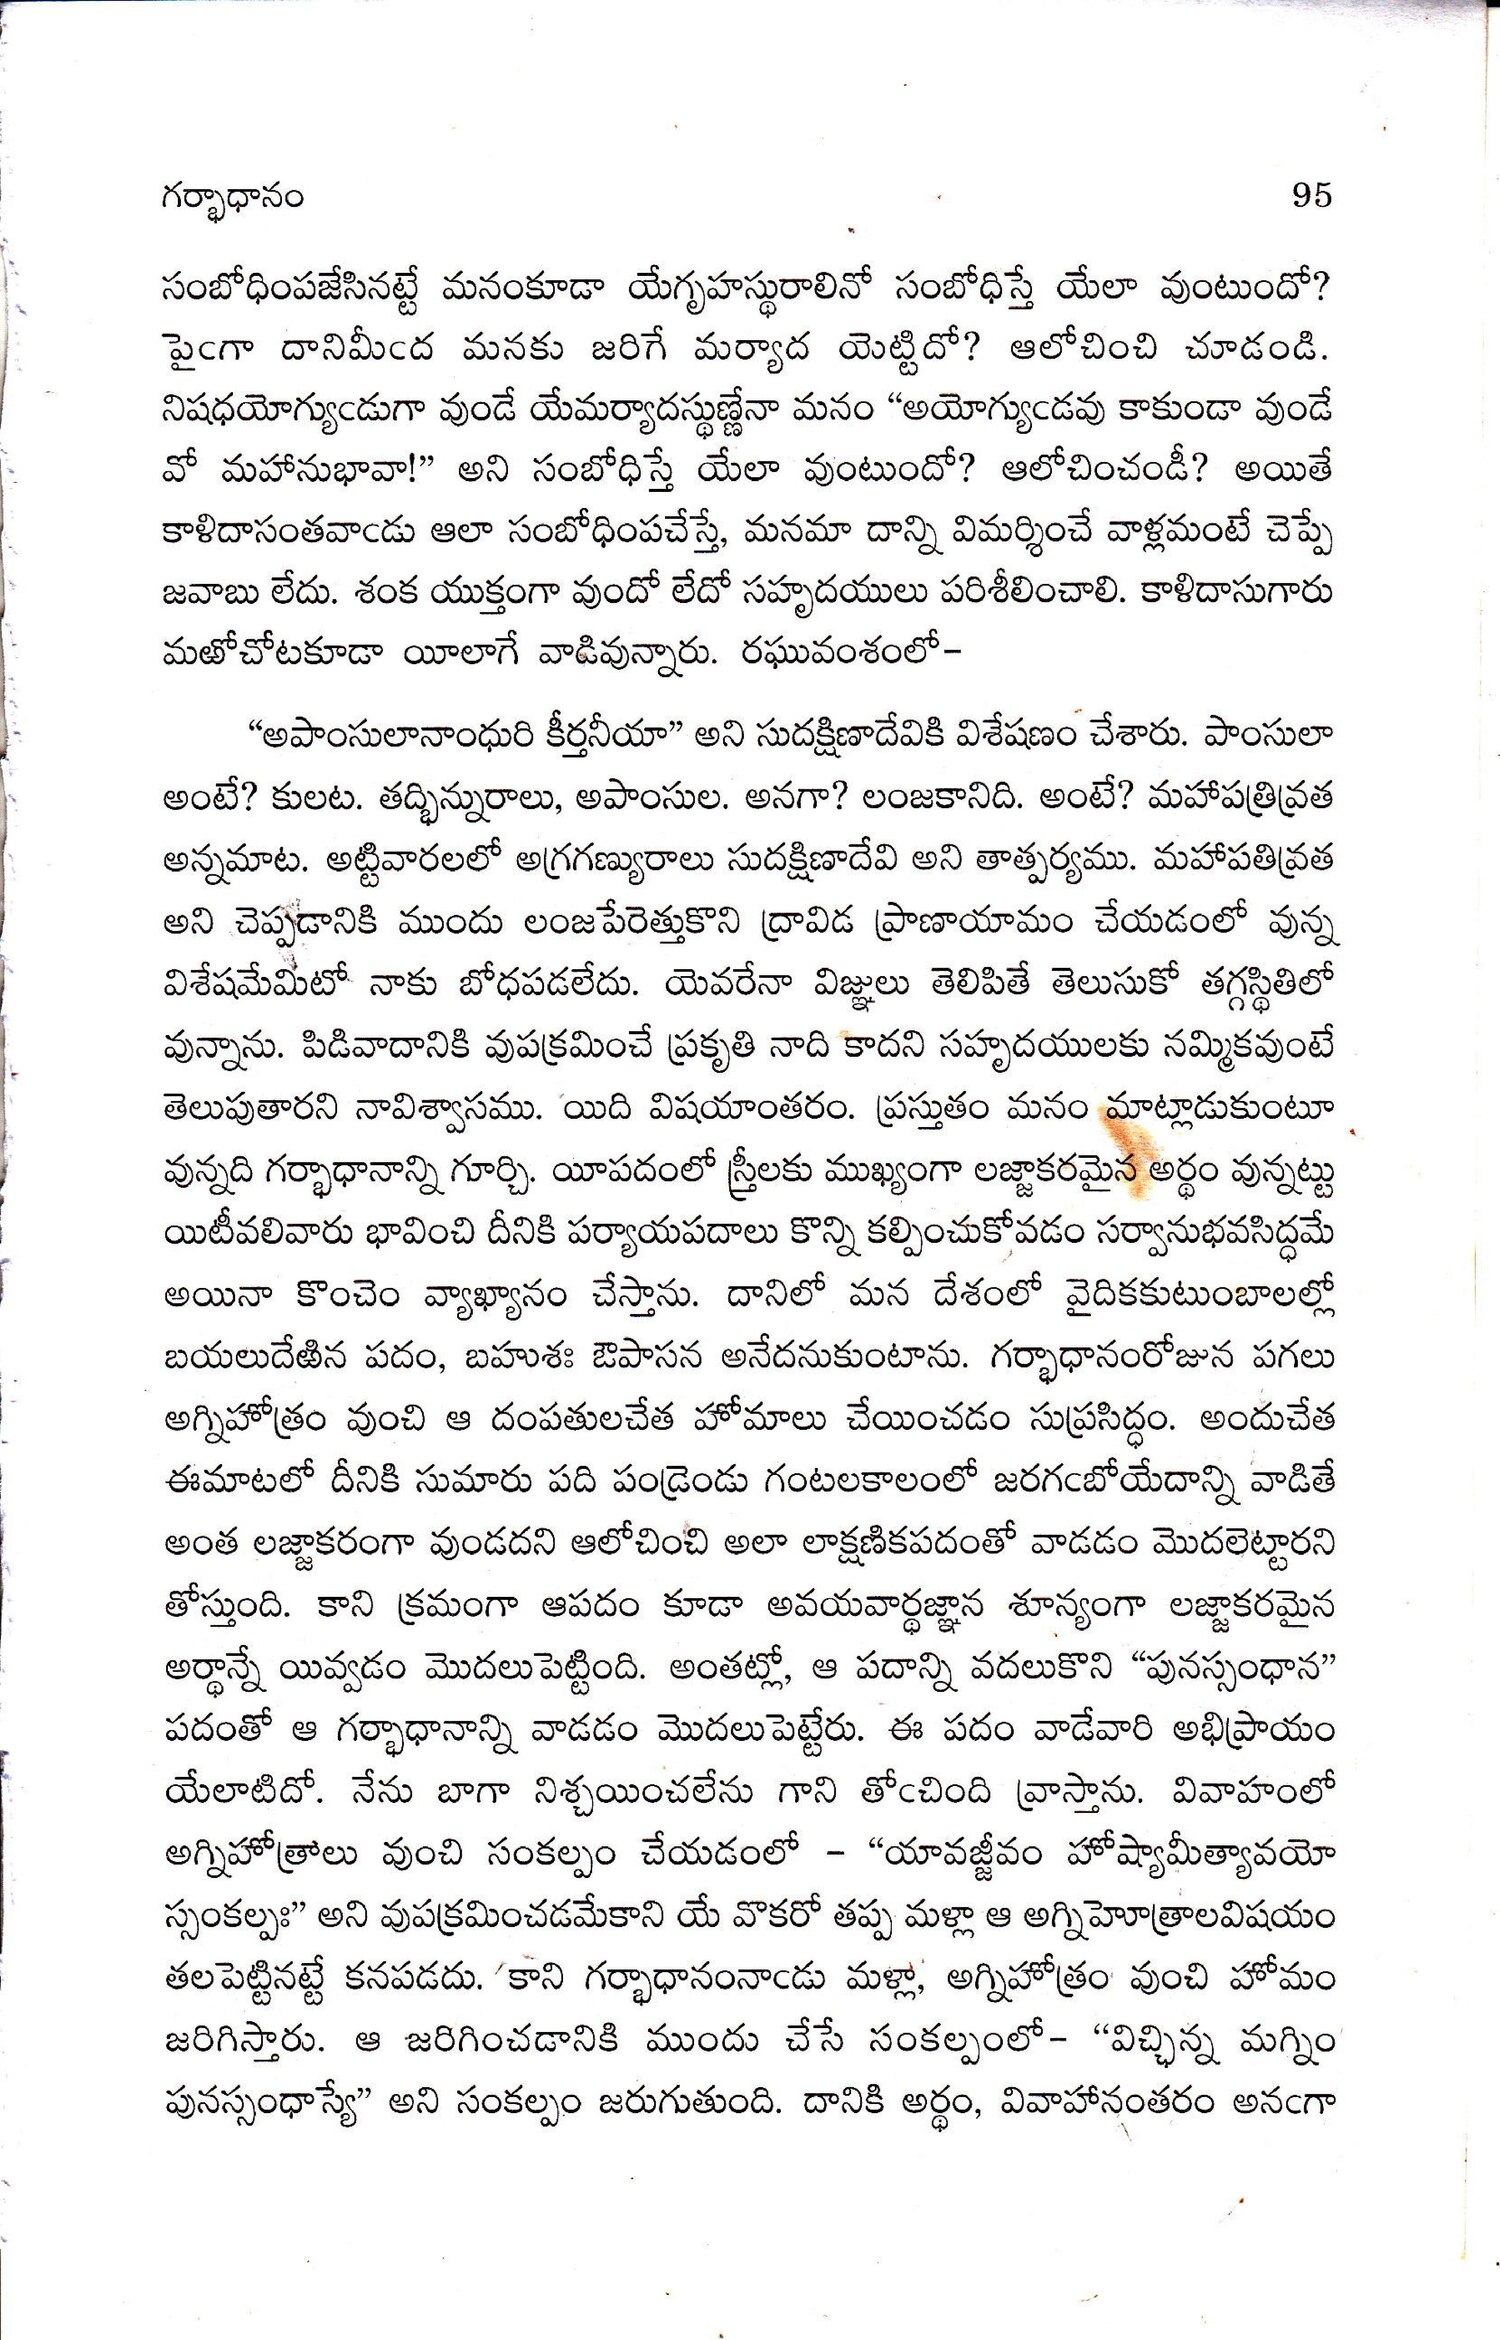సంబోధింపజేసినట్టే మనంకూడా యేగృహస్టురాలినో సంబోధిస్తే యేలా వుంటుందో? పైంగా దానిమీంద మనకు జరిగే మర్యాద యెట్టిదో? ఆలోచించి చూడండి. నిషధయోగ్యుండుగా వుండే యేమర్యాదసుణ్ణినా మనం “అయోగ్యుండవు కాకుండా వుండే వో మహానుభావా!" అని సంబోధిస్తే యేలా వుంటుందో? ఆలోచించండీ? అయితే కాళిదాసంతవాండు ఆలా సంబోధింపచేస్తే, మనమా దాన్ని విమర్శించే వాళ్లమంటే చెప్పే జవాబు లేదు. శంక యుక్తంగా వందో లేదో సహృదయులు పరిశీలించాలి. కాళిదాసుగారు మటోచోటకూడా యీలాగే వాడివున్నారు. రఘువంశంలో-

“అపాంసులానాంధురి కీర్తనీయా" అని సుదక్షిణాదేవికి విశేషణం చేశారు. పాంసులా అంటే? కులట. తద్భిన్నురాలు, అపాంసుల, అనగా? లంజకానిది. అంటే? మహాపత్రివ్రత అన్నమాట. అట్టివారలలో అగ్రగణ్యురాలు సుదక్షిణాదేవి అని తాత్పర్యము. మహాపతివ్రత అని చెప్పడానికి ముందు లంజ పేరెత్తుకొని ద్రావిడ ప్రాణాయామం చేయడంలో వున్న విశేషమేమిటో నాకు బోధపడలేదు. యెవరేనా విజ్ఞలు తెలిపితే తెలుసుకో తగ్గస్థితిలో వున్నాను. పిడివాదానికి వుపక్రమించే ప్రకృతి నాది కాదని సహృదయులకు నమ్మికవుంటే తెలుపుతారని నావిశ్వాసము. యిది విషయాంతరం. ప్రస్తుతం మనం మాట్లాడుకుంటూ వున్నది గర్భాధానాన్ని గూర్చి యీపదంలో స్త్రీలకు ముఖ్యంగా లజ్ఞాకరమైన అర్థం వున్నట్టు యిటీవలివారు భావించి దీనికి పర్యాయపదాలు కొన్ని కల్పించుకోవడం సర్వానుభవసిద్ధమే అయినా కొంచెం వ్యాఖ్యానం చేస్తాను. దానిలో మన దేశంలో వైదికకుటుంబాలల్లో బయలుదేటిన పదం, బహుశః ఔపాసన అనేదనుకుంటాను. గర్భాధానంరోజున పగలు అగ్నిహోత్రం వుంచి ఆ దంపతులచేత హోమాలు చేయించడం సుప్రసిద్ధం. అందుచేత ఈమాటలో దీనికి సుమారు పది పండ్రెండు గంటలకాలంలో జరగCబోయేదాన్ని వాడితే అంత లజ్ఞాకరంగా వుండదని ఆలోచించి అలా లాక్షణికపదంతో వాడడం మొదలెట్టారని తోస్తుంది. కాని క్రమంగా ఆపదం కూడా అవయవార్థజ్ఞాన శూన్యంగా లజ్ఞాకరమైన అర్థాన్నే యివ్వడం మొదలుపెట్టింది. అంతటో, ఆ పదాన్ని వదలుకొని "పునస్సంధాన" పదంతో ఆ గర్భాధానాన్ని వాడడం మొదలుపెట్టేరు. ఈ పదం వాడేవారి అభిప్రాయం యేలాటిదో. నేను బాగా నిశ్చయించలేను గాని తోcచింది వ్రాస్తాను. వివాహంలో అగ్నిహోత్రాలు వుంచి సంకల్పం చేయడంలో - “యావజ్జీవం హోష్యామీత్యావయో స్సంకల్ప" అని వుపక్రమించడమేకాని యే వొకరో తప్ప మళ్లా ఆ అగ్నిహెూత్రాలవిషయం తలపెట్టినట్టే కనపడదు. కాని గర్భాధానంనాండు మళ్లా, అగ్నిహోత్రం వుంచి హోమం జరిగిస్తారు. ఆ జరిగించడానికి ముందు చేసే సంకల్పంలో- “విచ్ఛిన్న మగ్నిం పునస్సంధాస్యే అని సంకల్పం జరుగుతుంది. దానికి అర్థం, వివాహానంతరం అనంగా